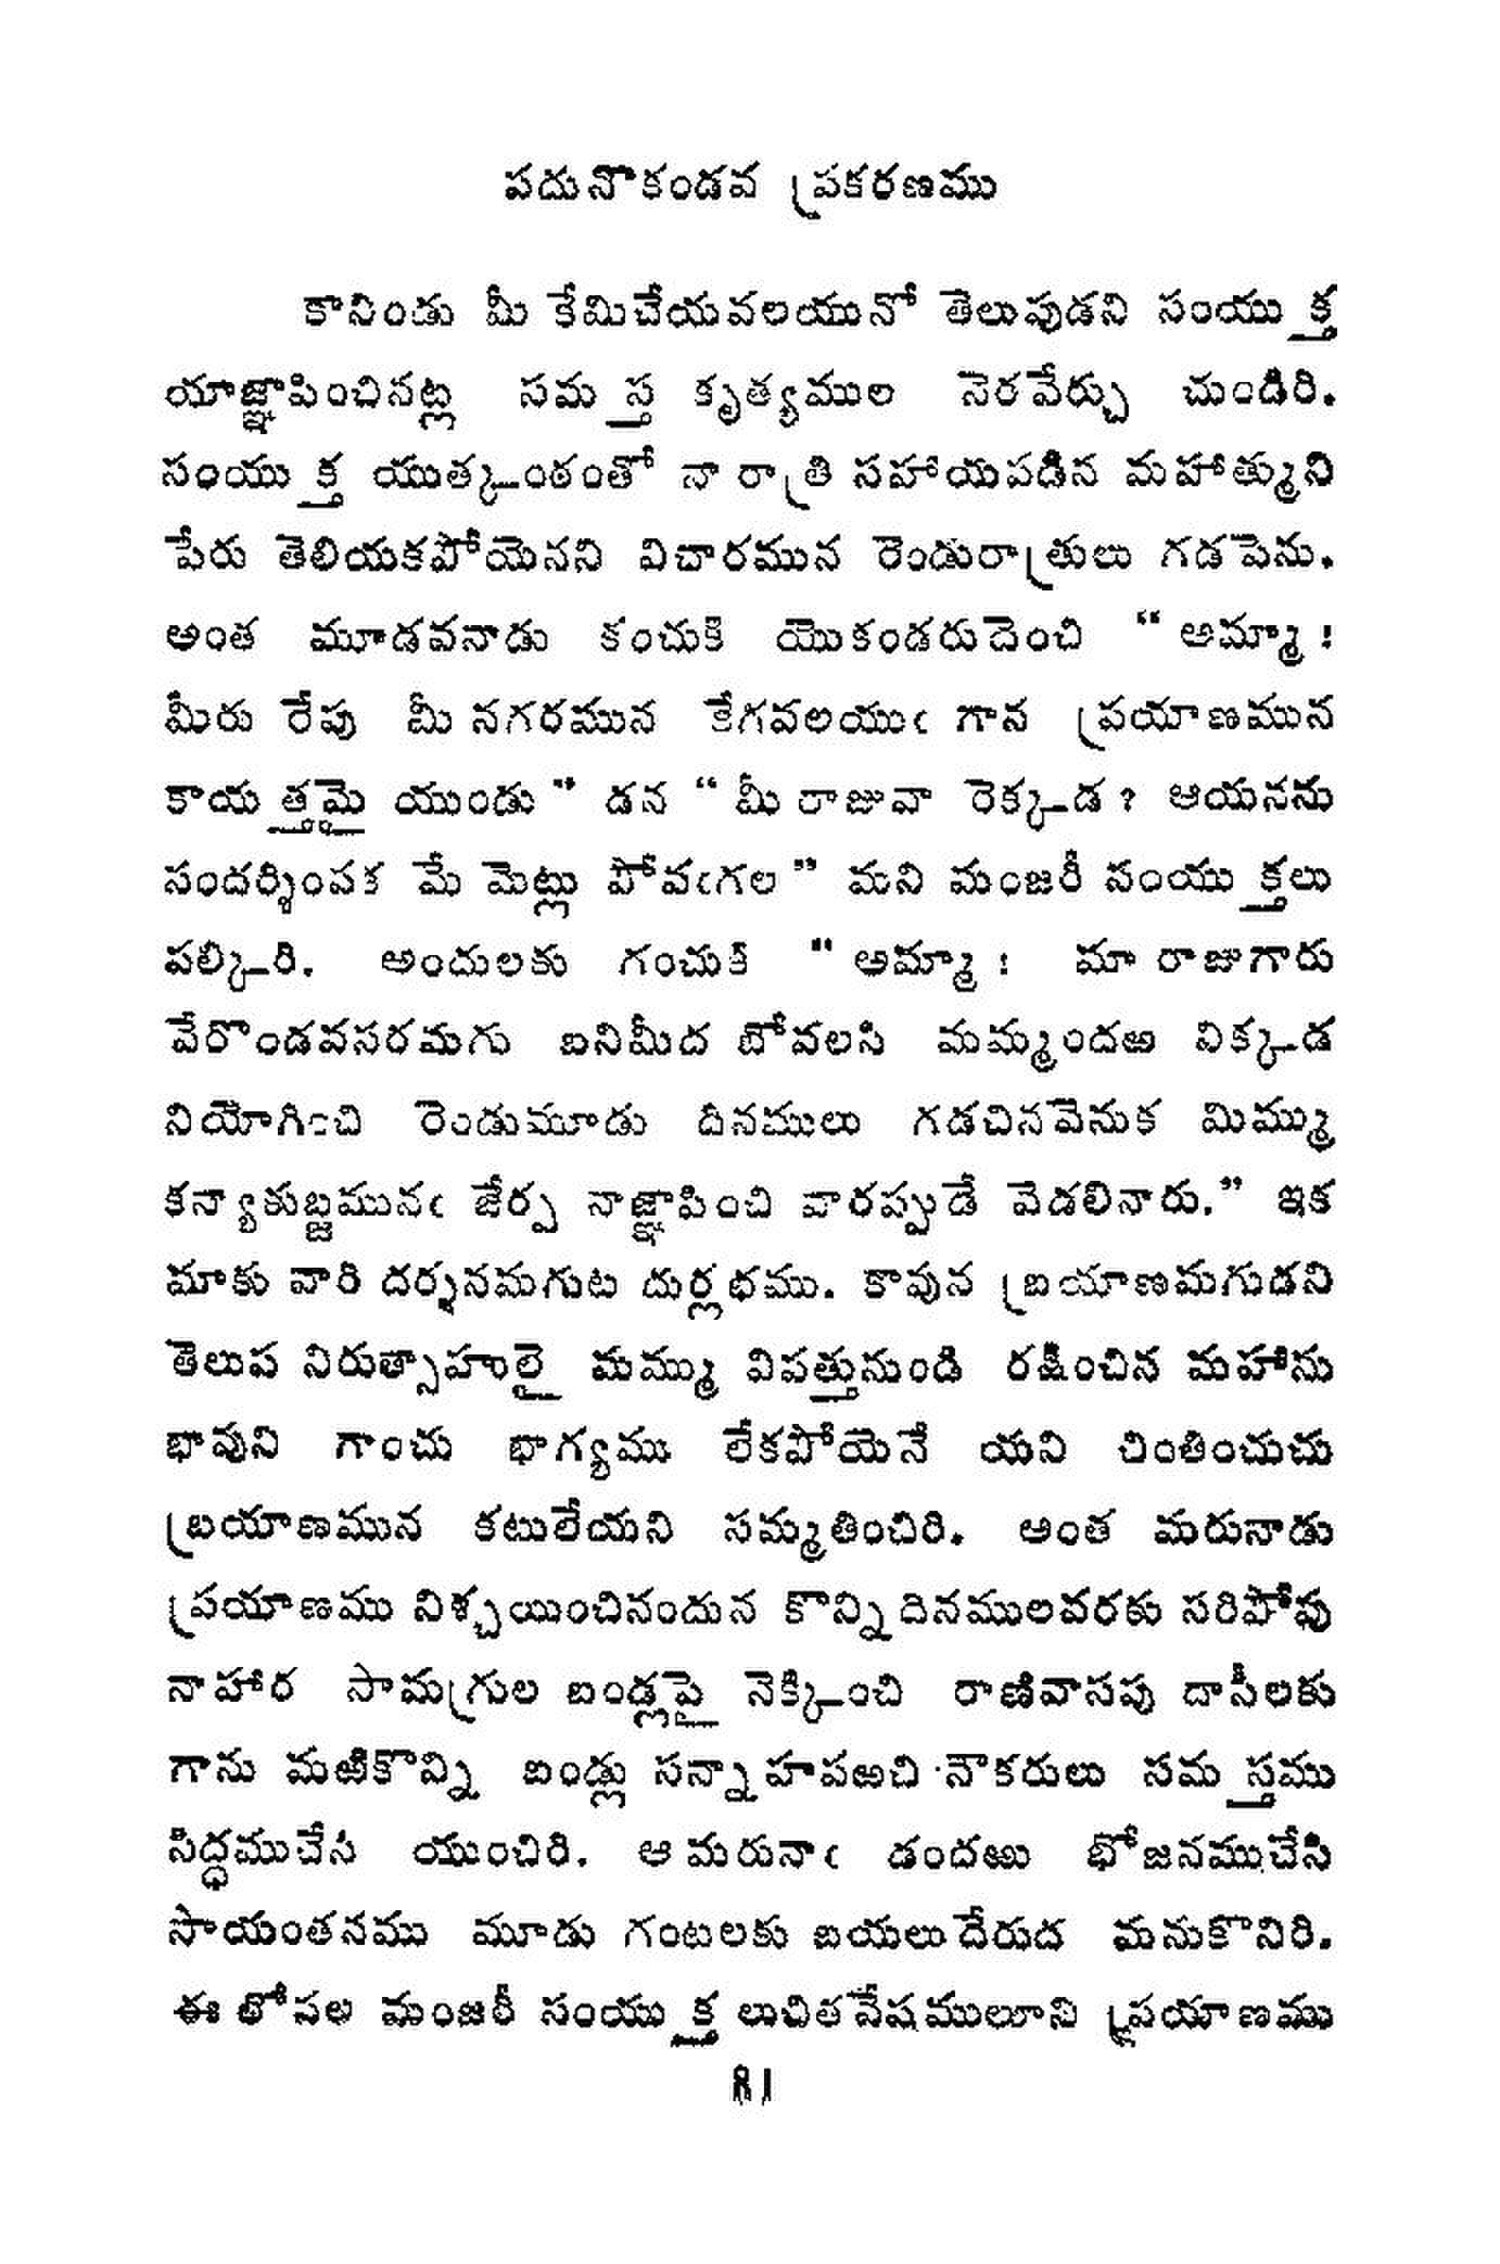కానిండు మీ కేమిచేయవలయునో తెలుపుడని సంయుక్త యాజ్ఞాపించినట్ల సమస్త కృత్యముల నెరవేర్చు చుండిరి. సంయుక్త యుత్కంఠంతో నా రాత్రి సహాయపడిన మహాత్ముని పేరు తెలియకపోయెనని విచారమున రెండురాత్రులు గడపెను. అంత మూడవనాడు కంచుకి యొకండరుదెంచి "అమ్మా ! మీరు రేపు మీ నగరమున కేగవలయుఁ గాన ప్రయాణమున కాయత్తమై యుండు" డన "మీరాజువా రెక్కడ ? ఆయనను సందర్శింపక మే మెట్లు పోవఁగల" మని మంజరీ సంయుక్తలు పల్కిరి. అందులకు గంచుకి "అమ్మా! మా రాజుగారు వేరొండవసరమగు బనిమీద బోవలసి మమ్మందఱ నిక్కడ నియోగించి రెండుమూడు దినములు గడచిన వెనుక మిమ్ము కన్యాకుబ్జమునఁ జేర్ప నాజ్ఞాపించి వారప్పుడే వెడలినారు." ఇక మాకు వారి దర్శనమగుట దుర్లభము. కావున బ్రయాణమగుడని తెలుప నిరుత్సాహులై మమ్ము విపత్తునుండి రక్షించిన మహానుభావుని గాంచు భాగ్యము లేకపోయెనే యని చింతించుచు బ్రయాణమున కటులేయని సమ్మతించిరి. అంత మరునాడు ప్రయాణము నిశ్చయించినందున కొన్ని దినములవరకు సరిపోపు నాహార సామగ్రుల బండ్లపై నెక్కించి రాణివాసపు దాసీలకు గాను మఱికొన్ని బండ్లు సన్నాహపఱచి నౌకరులు సమస్తము సిద్ధముచేసి యుంచిరి. ఆ మరునాఁ డందఱు భోజనముచేసి సాయంతనము మూడు గంటలకు బయలుదేరుద మనుకొనిరి. ఈ లోపల మంజరీ సంయుక్త లుచితవేషములూని ప్రయాణము